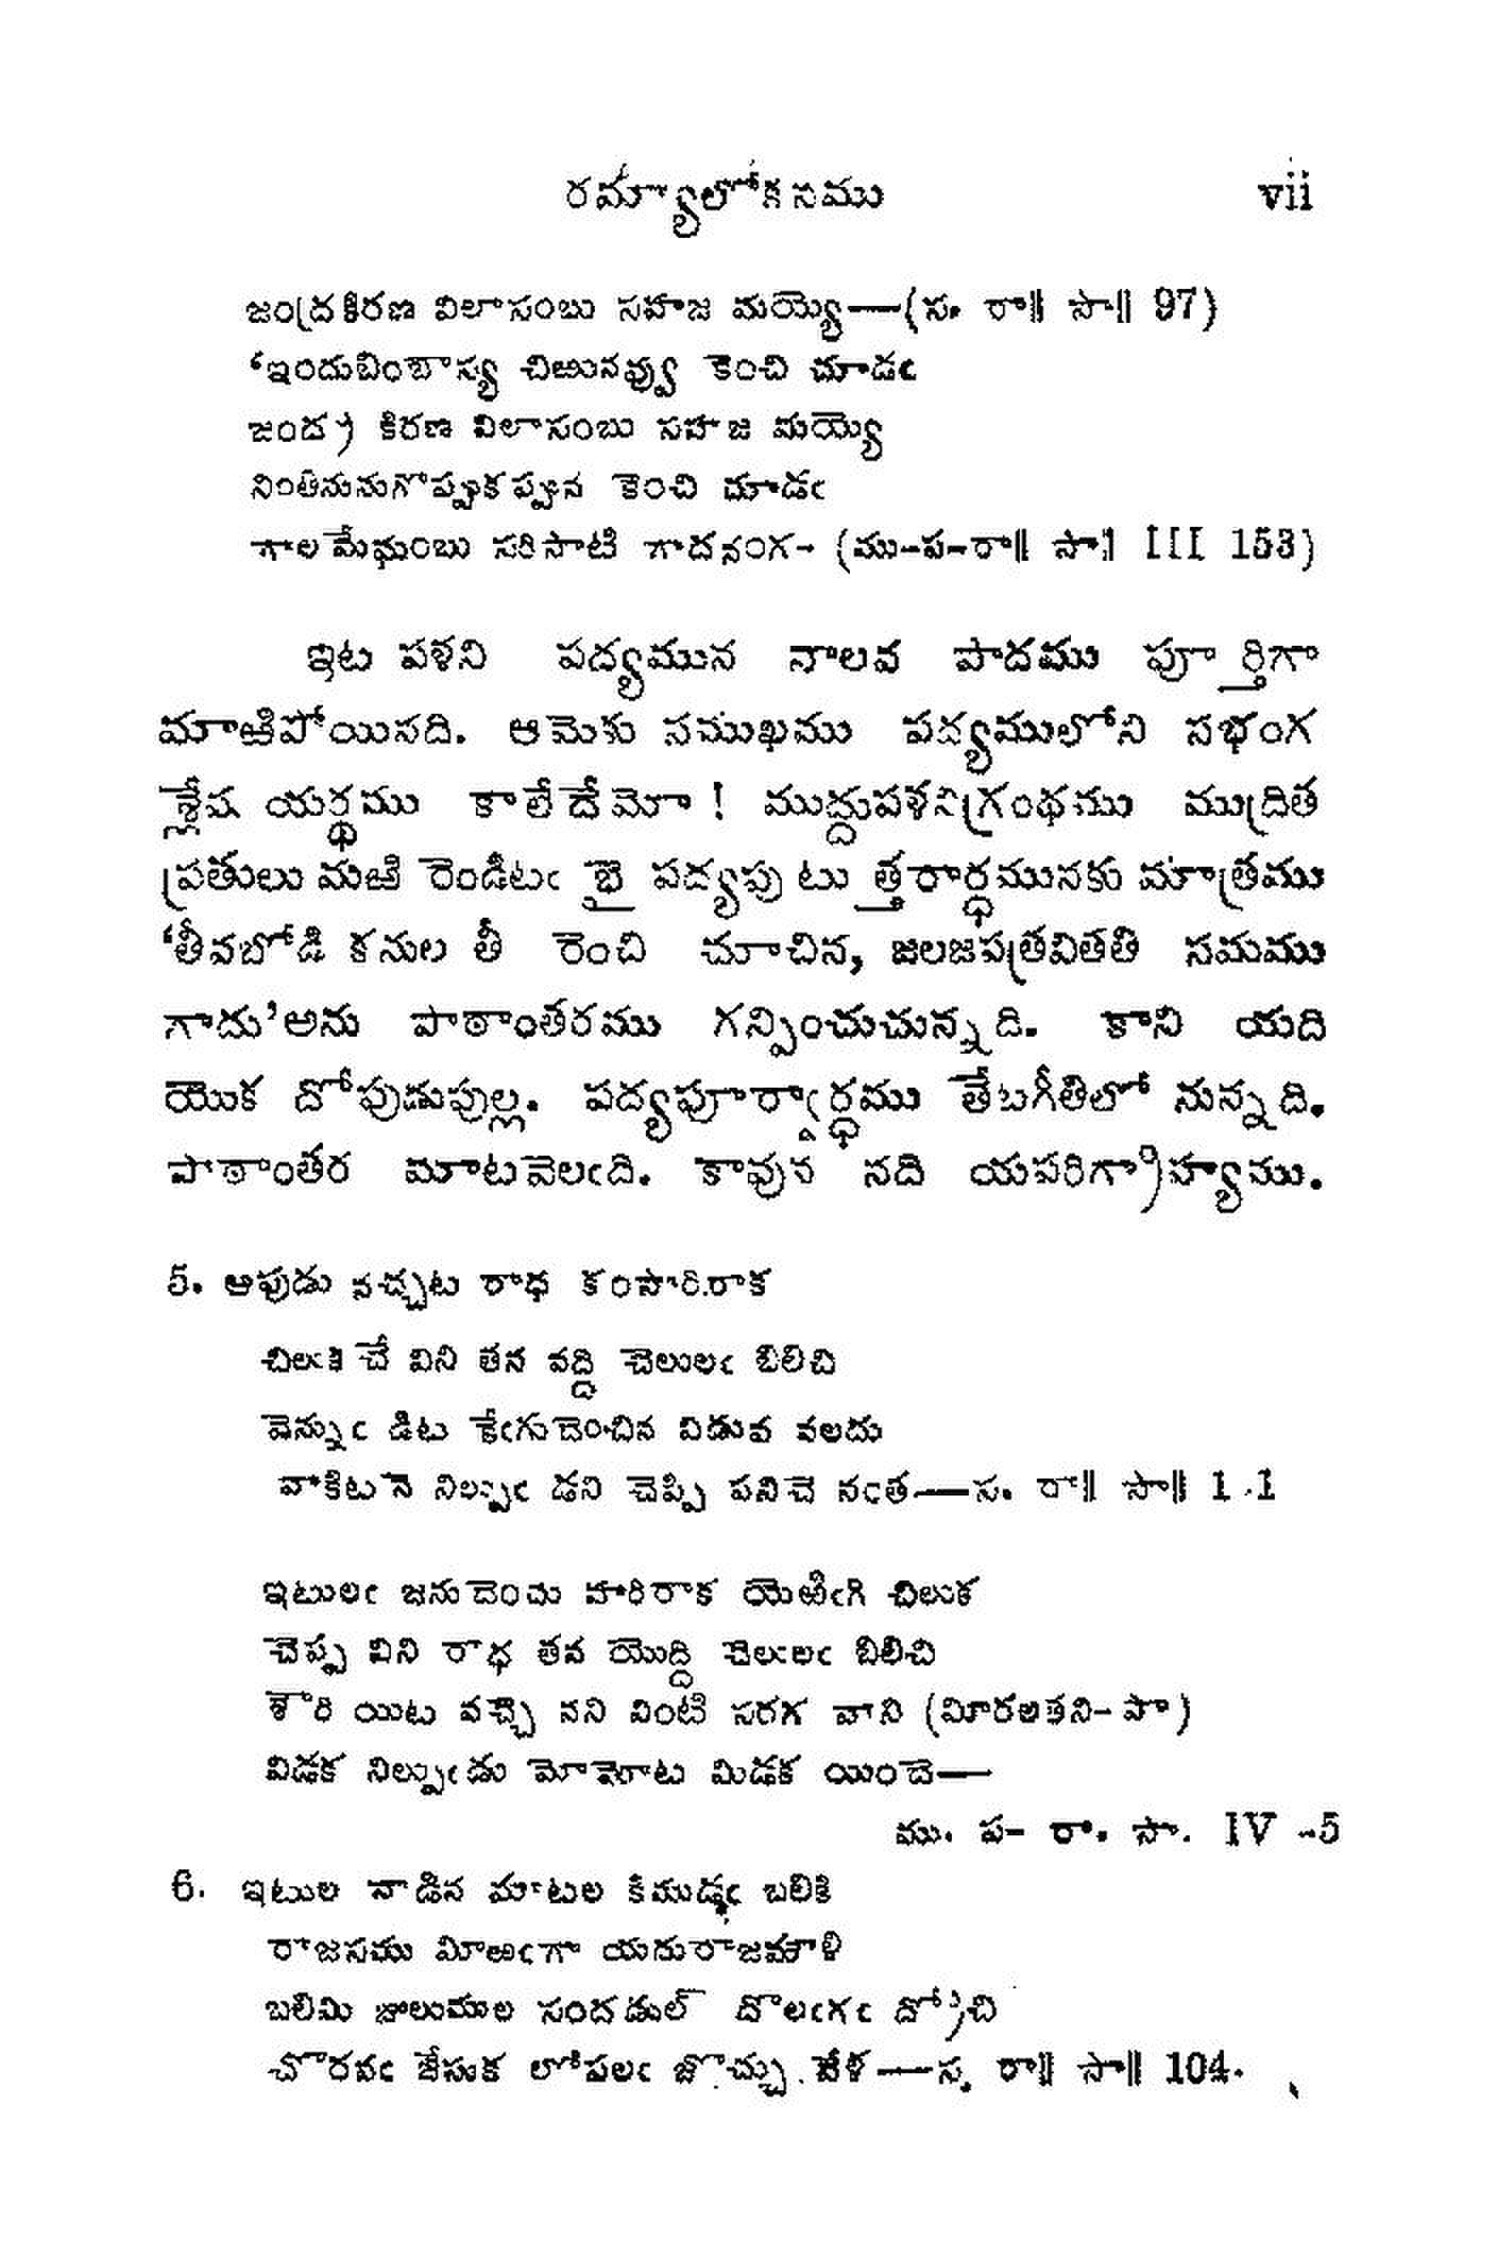జంద్రకిరణవిలాసంబు సహజ మయ్యె. (స.రా.సా. 97)

ఇందుబింబాస్య చిఱునవ్వు కెంచి చూడఁ
జంద్రకిరణవిలాసంబు సహజ మయ్యె
నింతినునుగొప్పుకప్పున కెంచి చూడఁ
గాలమేఘంబు సరిసాటి గాదనంగ. (మ.ప.రా.సా. 3 153) 
ఇట పళని పద్యమున నాల్గవపాదము పూర్తిగా మాఱిపోయినది. ఆమెకు సముఖము పద్యములోని సభంగశ్లేష యర్థము కాలేదేమో! ముద్దుపళనిగ్రంథము ముద్రితప్రతులు మఱి రెండిటఁ బై పద్యపుటుత్తరార్ధమునకు మాత్రము ‘తీవబోడి కనుల తీ రెంచి చూచిన, జలజపత్రవితతి సమము గాదు’ అను పాఠాంతరము గన్పించుచున్నది. కాని యది యొక దోపుడుపుల్లు. పద్యపూర్వార్ధము తేటగీతిలో నున్నది. పాఠాంతర మాటవెలఁది. కావున నది యపరిగ్రాహ్యము. 
అపుడు నచ్చట రాధ కంసారిరాక
చిలుకచే విని తన వద్ది చెలులఁ బిలిచి
వెన్నుఁ డిట కేఁగుదెంచిన విడువవలదు
వాకిటనె నిల్పుఁ డని చెప్పి పనిచె నంత. (స.రా.సా. 101)

ఇటులఁ జనుదెంచు హరిరాక యెఱిఁగి చిలుక
చెప్ప విని రాధ తన యొద్ది చెలులఁ బిలిచి
శౌరి యిట వచ్చె నని వింటి పరగ వాని (మీరలతని -పా)
విడక నిల్పుఁడు మోమోట మిడక యిందె. (ము.ప.రా.సా. 4-5)

ఇటుల నాడిన మాటల కిముడఁ బలికి
రాజసము మీఱఁగా యదురాజమౌళి
బలిమి జులుముల సందడుల్ దొలఁగఁ ద్రోచి
చొరవఁ జేసుక లోపలఁ జొచ్చువేళ. (స.రా.సా. 104)